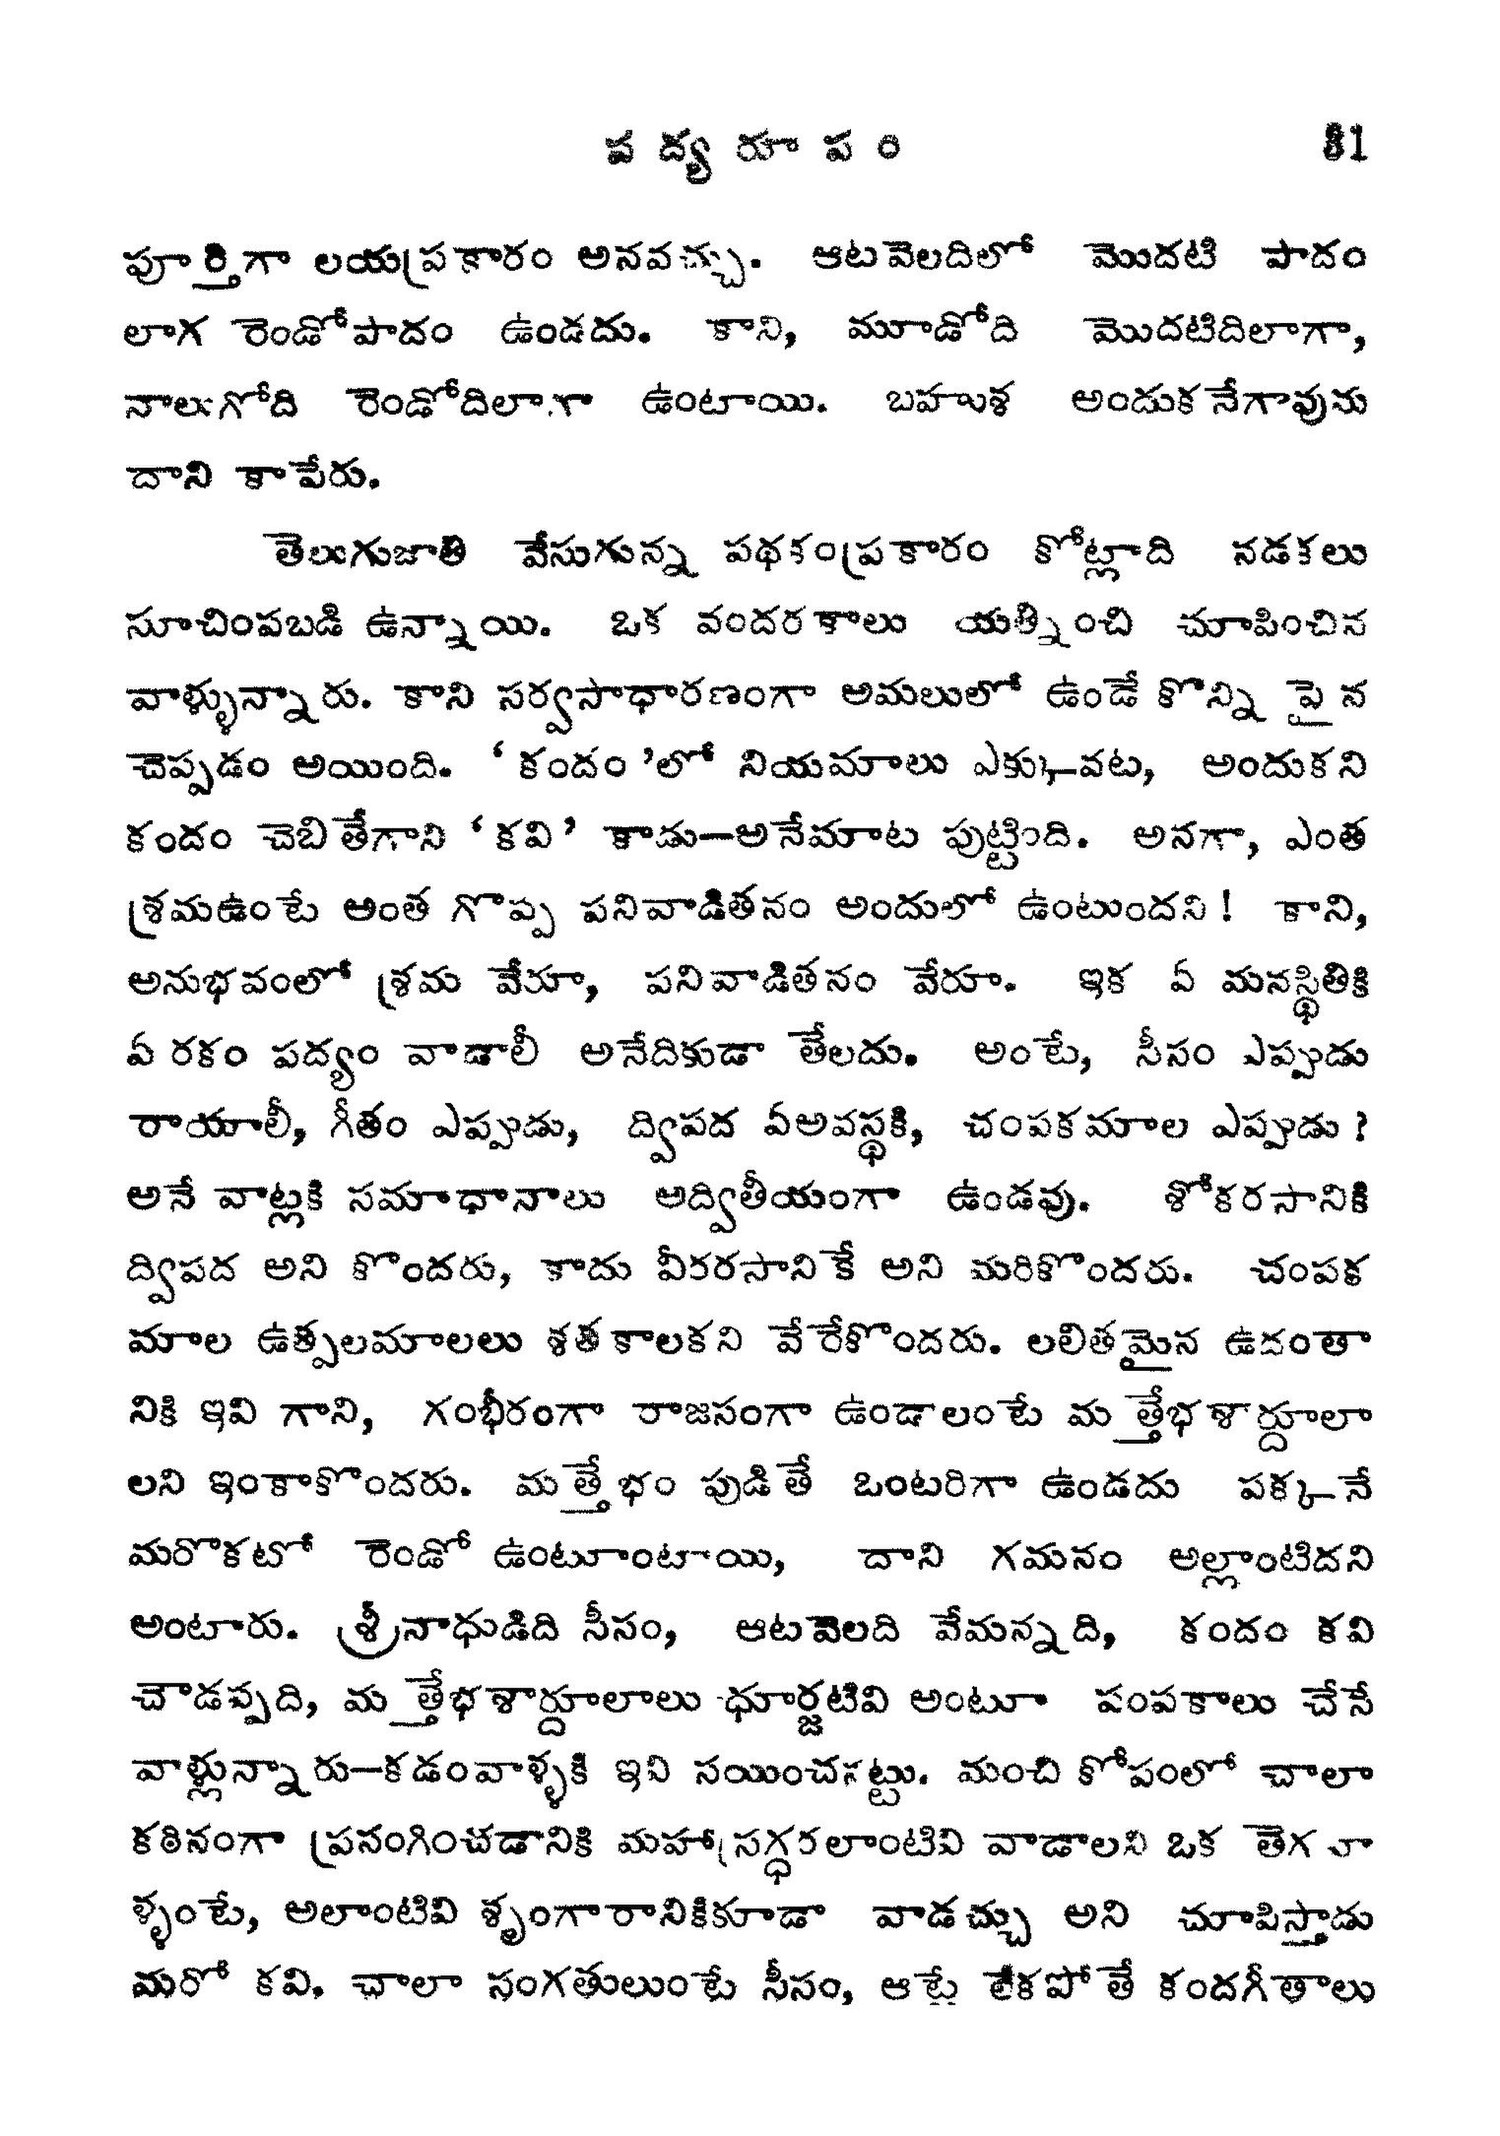పూర్తిగా లయప్రకారం అనవచ్చు. ఆటవెలదిలో మొదటి పాదం
లాగ రెండోపాదం ఉండదు. కాని, మూడోది మొదటిదిలాగా,
నాలుగోది రెండోదిలాగా ఉంటాయి. బహుశ అందుకనేగావును
దాని కాపేరు.

తెలుగుజాతి వేసుగున్న పథకంప్రకారం కోట్లాది నడకలు
సూచింపబడి ఉన్నాయి. ఒక వందరకాలు యత్నించి చూపించిన
వాళ్ళున్నారు. కాని సర్వసాధారణంగా అమలులో ఉండే కొన్ని పైన
చెప్పడం అయింది. 'కందం'లో నియమాలు ఎక్కువట, అందుకని
కందం చెబితేగాని 'కవి' కాడు - అనేమాట పుట్టింది. అనగా, ఎంత
శ్రమఉంటే అంత గొప్ప పనివాడితనం అందులో ఉంటుందని! కాని,
అనుభవంలో శ్రమ వేరూ, పనివాడితనం వేరూ. ఇక ఏ మనస్థితికి
ఏ రకం పద్యం వాడాలీ అనేదికుడా తేలదు. అంటే, సీసం ఎప్పుడు
రాయాలీ, గీతం ఎప్పుడు, ద్విపద ఏఅవస్థకి, చంపకమాల ఎప్పుడు?
అనే వాట్లకి సమాధానాలు అద్వితీయంగా ఉండవు. శోకరసానికి
ద్విపద అని కొందరు, కాదు వీరరసానికే అని మరికొందరు. చంపక
మాల ఉత్పలమాలలు శతకాలకని వేరేకొందరు. లలితమైన ఉదంతా
నికి ఇవి గాని, గంభీరంగా రాజసంగా ఉండాలంటే మత్తేభశార్దూలా
లని ఇంకాకొందరు. మత్తేభం పుడితే ఒంటరిగా ఉండదు పక్కనే
మరొకటో రెండో ఉంటూంటాయి, దాని గమనం అల్లాంటిదని
అంటారు. శ్రీనాధుడిది సీసం, ఆటవెలది వేమన్నది, కందం కవి
చౌడప్పది, మత్తేభశార్దూలాలు ధూర్జటివి అంటూ పంపకాలు చేసే
వాళ్లున్నారు—కడంవాళ్ళకి ఇవి సయించనట్టు. మంచి కోపంలో చాలా
కఠినంగా ప్రసంగించడానికి మహాస్రగ్ధరలాంటివి వాడాలని ఒక తెగవా
ళ్ళంటే, అలాంటివి శృంగారానికికూడా వాడచ్చు అని చూపిస్తాడు
మరో కవి. చాలా సంగతులుంటే సీసం, ఆటే లేకపోతే కందగీతాలు